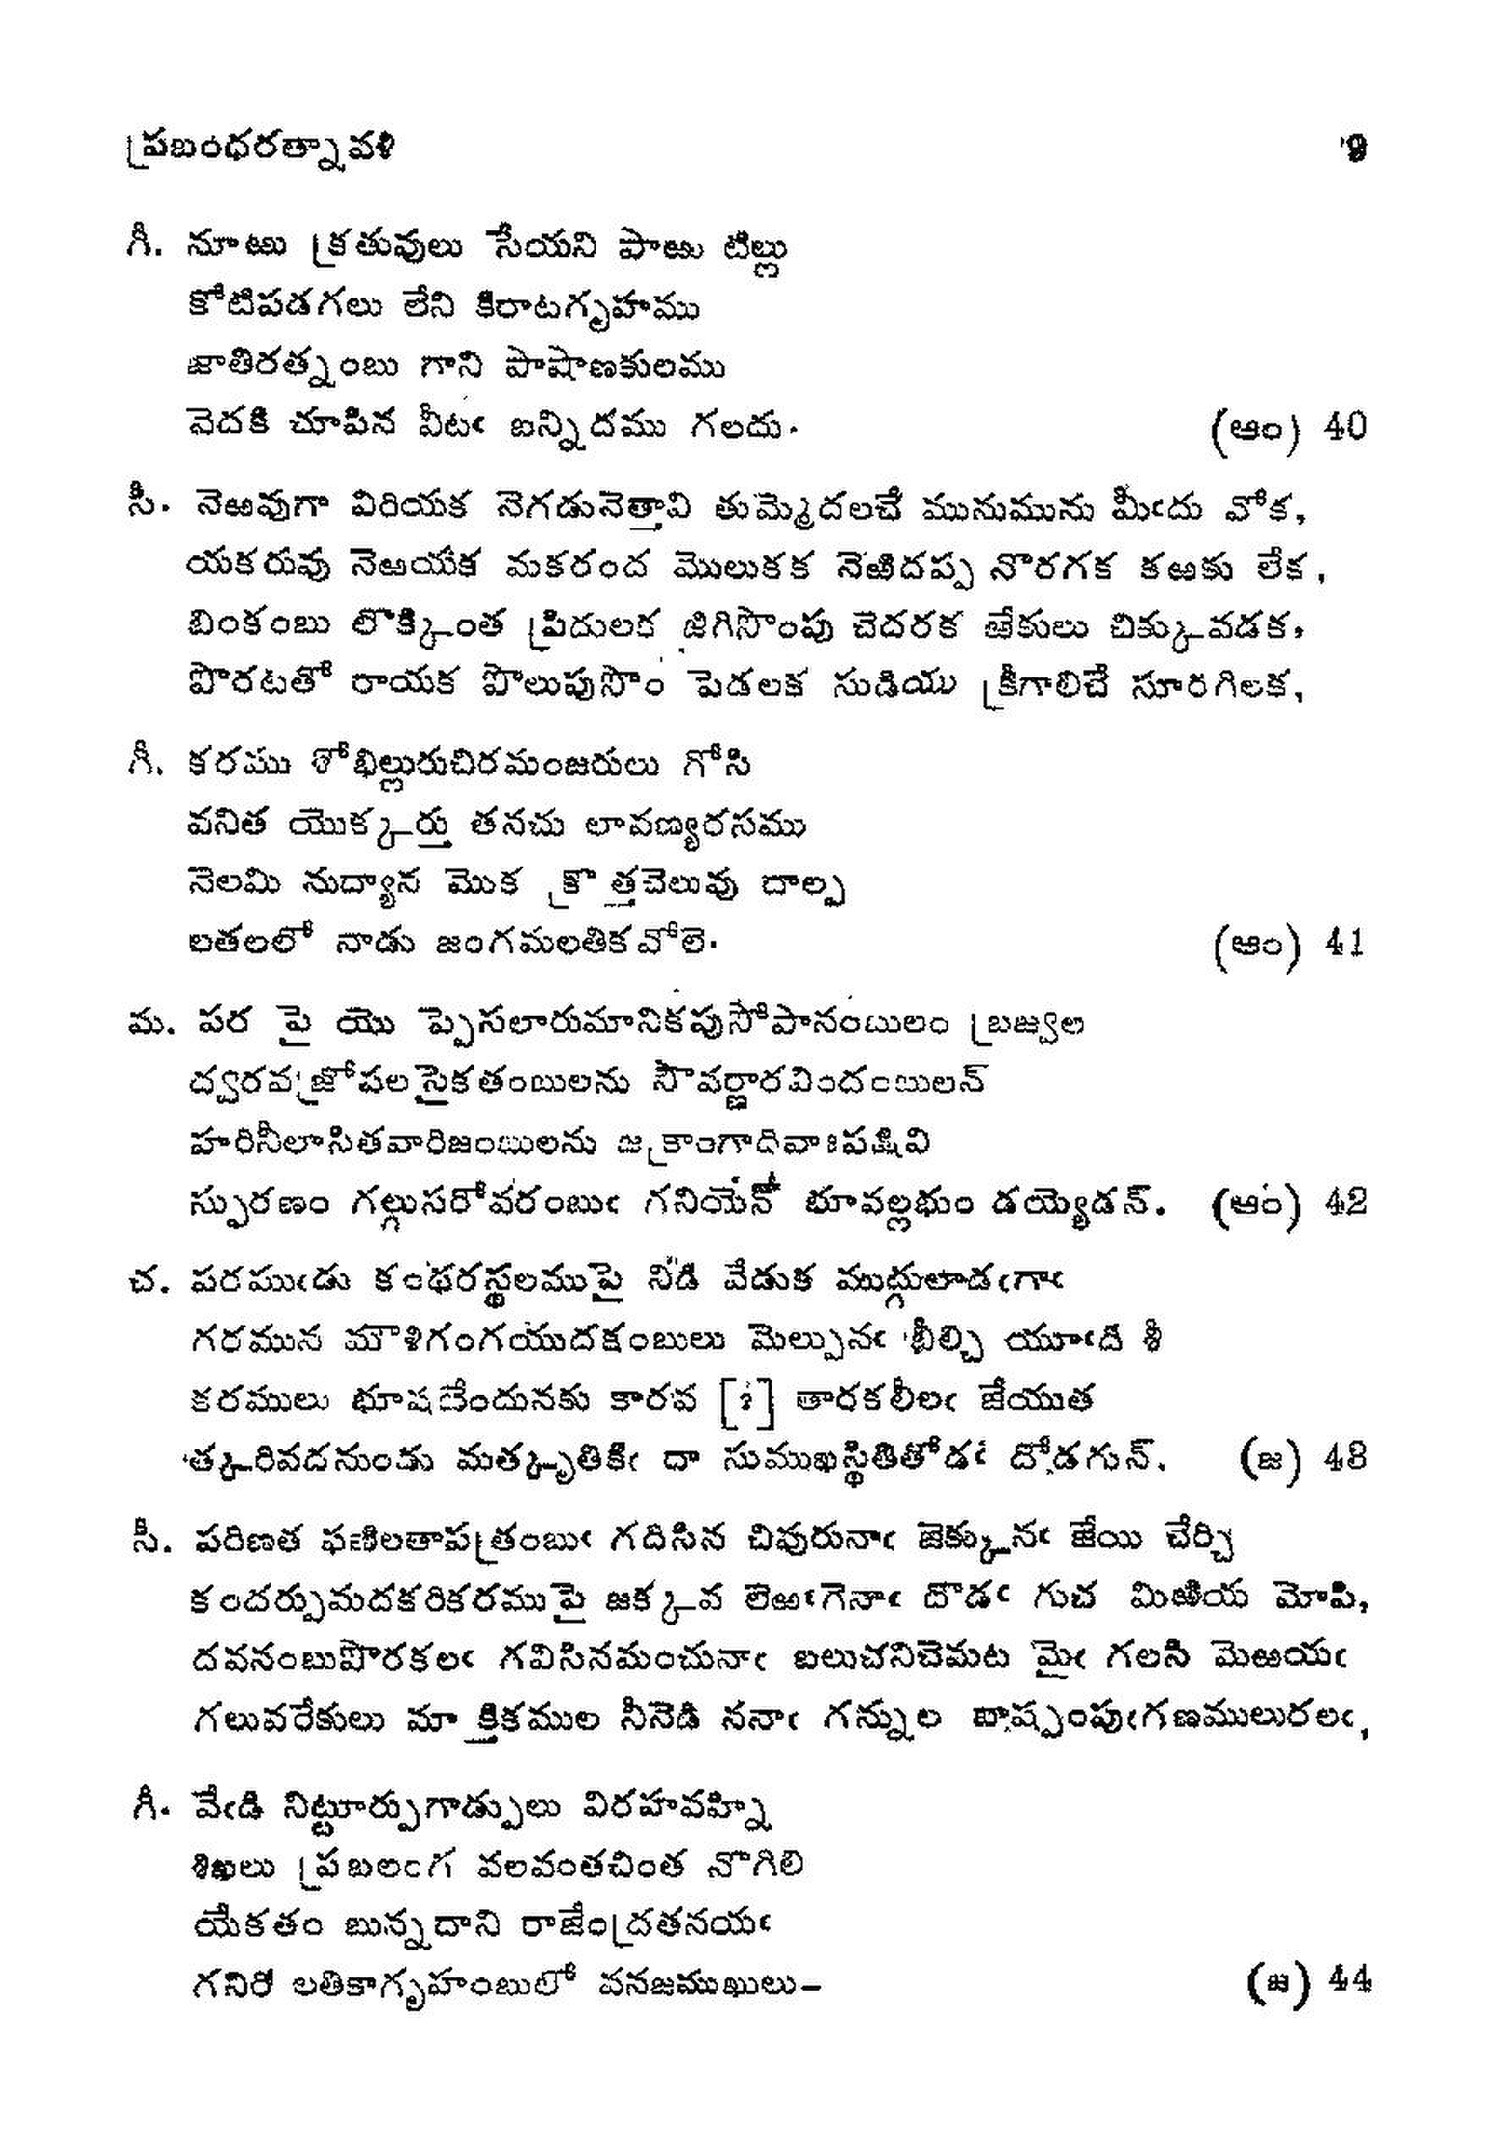గీ. నూఱుక్రతువులు సేయని పాఱుటిల్లు
కోటిపడగలు లేని కిరాటగృహము
జాతిరత్నంబు గాని పాషాణకులము
వెదకి చూపిన వీటఁ బన్నిదము గలదు. (ఆం) 40

సీ. నెఱవుగా విరియక నెగడు నెత్తావి తు మ్మెదలచే మునుమును మీఁదు వోక
యకరువు నెఱయక మకరంద మొలుకక నెఱి దప్ప నొరగక కఱకు లేక
బింకంబు లొక్కింత ప్రిదులక జిగిసొంపు చెదరక ఱేకులు చిక్కువడక
పొరటతో రాయక పొలుపు సొం పెడలక సుడియు క్రీగాలిచే సూర గిలక
తే. కరము శోభిల్లు రుచిరమంజరులు గోసి
వనిత యొక్కర్తు తనదు లావణ్యరసము
నెలమి నుద్యాన మొక క్రొత్తచెలువు దాల్ప
లతలలో నాడు జంగమలతిక వోలె. (ఆం) 41

మ. పరపై యొప్పెసలారు మానికపుసోపానంబులం బ్రజ్జ్వల
ద్వరవజ్రోపలసైకతంబులును సౌవర్ణారవిందంబులన్
హరినీలాసితవారిజంబులనుఁ జక్రాంగాదివాఃపక్షివి
స్ఫురణం గల్గు సరోవరంబుఁ గనియెన్ భూవల్లభుం డయ్యెడన్. (ఆం) 42

చ. పరముఁడు కంథరస్థలముపై నిడి వేడుక ముద్దులాడఁగాఁ
గరమున మౌళిగంగయుదకంబులు మెల్పునఁ బీల్చి యూఁది శీ
కరములు భూషణేందునకు కారవ[?]తారకలీలఁ జేయు త
త్కరివదనుండు మత్కృతికిఁ దా సుముఖస్థితితోడఁ దోడగున్. (జ) 43

సీ. పరిణత ఫణిలతాపత్రంబుఁ గదిసిన చివురు నాఁ జెక్కునఁ జేయి చేర్చి,
కందర్పుమదకరికరముపై జక్కవ లెఱఁగెనాఁ దొడఁ గుచ మిఱియ మోపి,
దవనంబు పొరకల గవిసిన మంచునా బలుచనిచెమట మైఁ గలసి మెఱయ,
గలువరేకులు మౌక్తికముల నీనెడి ననా గన్నుల బాష్పంపుఁగణము లురలఁ,
తే. వేఁడి నిట్టూర్పుగాడ్పులు విరహవహ్ని
శిఖలు ప్రబలంగ వలవంతచింత నొగిలి
యేకతం బున్నదాని రాజేంద్రతనయఁ
గనిరి లతికాగృహంబులో వనజముఖులు. (జ) 44